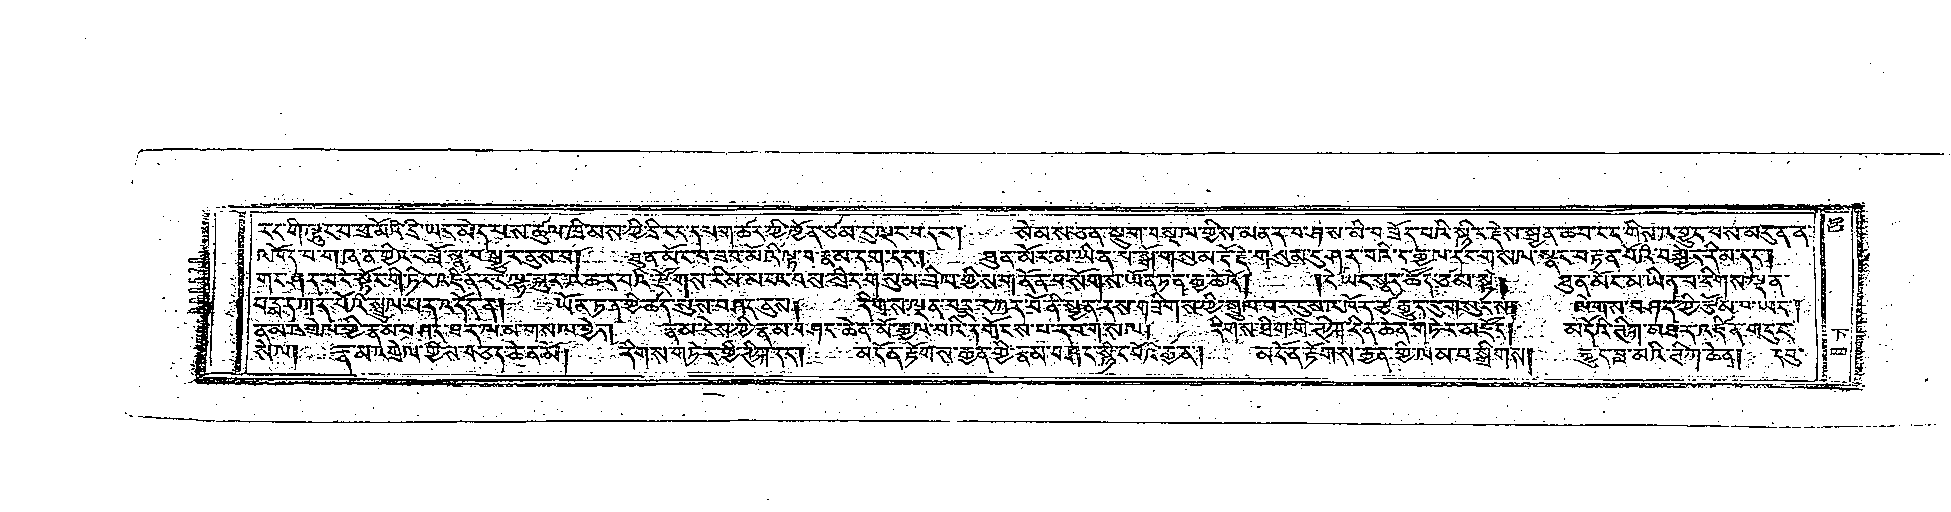རང་གི་ལྟུང་བ་ཕྲ་མོའི་དྲི་ཡང་མེད་པས་ཚུལ་ཁྲིམས་ཀྱི་དྲི་དང་དཔག་ཚད་ཀྱི་ཁྱོན་ཙམ་དུ་ལྡང་བ་དང་། སེམས་ཅན་སྡུག་བསྔལ་གྱིས་མནར་བ་ཤས་མི་བཟོད་པའི་སྙིང་རྗེས་སྤྱན་ཆབ་དང་གིས་འབྱུང་བས་མདུན་ན་
འཁོར་པ་གཞན་གྱི་འང་བློ་སྣ་བསྒྱུར་ནུས་བ། ཐུན་མོང་བ་ཟབ་མོའི་ལྟ་བ་རྣམ་དག་དང་། ཐུན་མོང་མ་ཡིན་པ་སྒོ་གསུམ་རྡོ་རྗེ་གསུམ་དུ་ཤར་བའི་ང་རྒྱལ་དང་གསལ་སྣང་བརྟན་པོའི་བསྐྱེད་རིམ་དང་།
གང་ཤར་བདེ་སྟོང་གི་ཏིང་འཛིན་དང་ལྷ་སྐུར་འཆར་བའི་རྫོགས་རིམ་མངའ་བས་སྲིད་གསུམ་ཟིལ་གྱིས་གནོན་པ་སོགས་ཡོན་ཏན་རྒྱ་ཆེའོ། །དེ་ཡང་སྣད་ཚོད་ཙམ་སྟེ། ཐུན་མོང་མ་ཡིན་པ་རིགས་ལྡན་
པདམ་དཀར་པོའི་སྤྲུལ་པར་འདོད་ན། ཡོན་ཏན་གྱི་ཚད་སུས་བཤད་ནུས། རིགས་ལྡན་པདམ་དཀར་པོ་ནི་སྤྱན་རས་གཟིགས་ཀྱི་སྤྲུལ་བར་དུས་འཁོར་རྩ་རྒྱུད་དུ་གསུངས། ལེགས་བཤད་ཀྱི་རྩོམ་པ་ཡང་།
རྣམ་འགྲེལ་གྱི་རྣམ་བཤད་ཐར་ལམ་གསལ་བྱེད། རྣམ་ངེས་ཀྱི་རྣམ་བཤད་ཆེན་མོ་རྒྱལ་བའི་དགོངས་པ་རབ་གསལ། རིགས་ཐིག་གི་ཊིཀྐ་རིན་ཆེན་གཏེར་མཛོད། མདོའི་ཊིཀྐ་མཐར་འཛིན་གདུང་
སེལ། རྣམ་འགྲེལ་གྱིས་བཅད་ཆེན་མོ། རིགས་གཏེར་གྱི་ཊིཀྐ་དང་། མངོན་རྟོགས་རྒྱན་གྱི་རྣམ་བཤད་སྙིང་བོའི་རྒྱན། མངོན་རྟོགས་རྒྱན་གྱི་ལམ་བསྒྲིགས། རྒྱུད་བླ་མའི་ཊིཀ་ཆེན། དབུ་